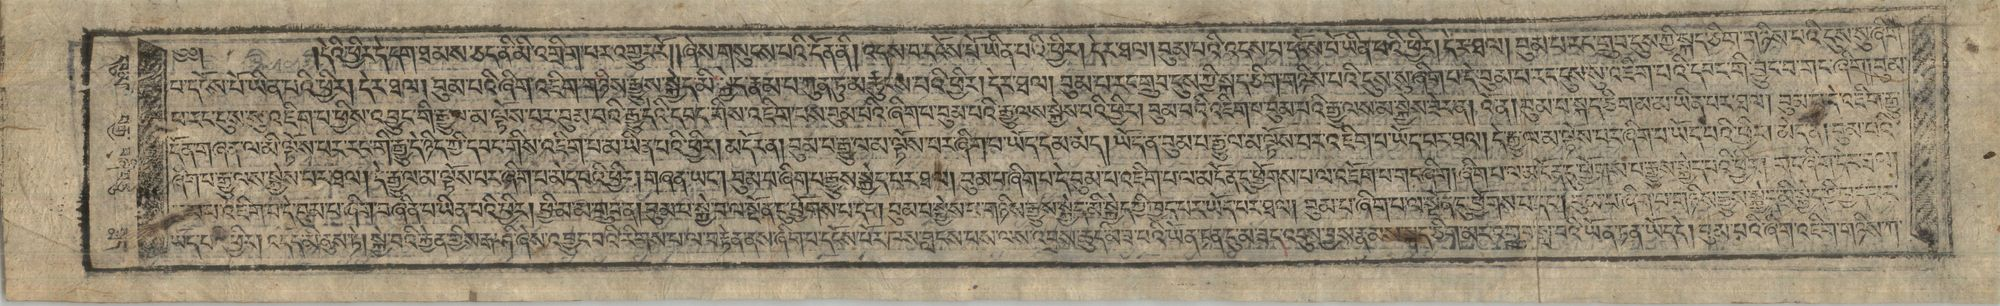༄༅། །དེའི་ཕྱིར་དེ་དག་ཐམས་ཅད་ནི་མི་འགྲིག་པར་འགྱུར་རོ། །ཞེས་གསུངས་པའི་དོན་ནི། འདས་བ་དངོས་པོ་ཡིན་པའི་ཕྱིར། དེར་ཐལ། བུམ་པའི་འདས་པ་དངོས་པོ་ཡིན་པའི་ཕྱིར། དེར་ཐལ། བུམ་པ་རང་གྲུབ་དུས་ཀྱི་སྐད་ཅིག་གཉིས་པའི་དུས་སུ་ཞིག་
པ་དངོས་པོ་ཡིན་པའི་ཕྱིར། དེར་ཐལ། བུམ་པའི་ཞིག་འཇིག་གཉིས་རྒྱུས་སྐྱེད་མི་སྐྱེད་རྣམ་པ་ཀུན་ཏུ་མཚུངས་པའི་ཕྱིར། དེར་ཐལ། བུམ་པ་རང་གྲུབ་དུས་ཀྱི་སྐད་ཅིག་གཉིས་པའི་དུས་སུ་ཞིག་པ་དེ་བུམ་པ་རང་དུས་སུ་འཇིག་པའི་དབང་གི་བྱུང་བ་གང་ཞིག །བུམ་
པ་རང་དུས་སུ་འཇིག་པ་ཕྱིས་འབྱུང་གི་རྒྱུ་ལ་མ་ལྟོས་པར་བུམ་པའི་རྒྱུ་དེའི་དབང་གིས་འཇིག་པས་བུམ་པའི་ཞིག་པ་བུམ་པའི་རྒྱུ་ལས་སྐྱེས་པའི་ཕྱིར། བུམ་པའི་འཇིག་པ་བུམ་པའི་རྒྱུ་ལས་མ་སྐྱེས་ཟེར་ན། འོ་ན། བུམ་པ་སྐད་ཅིག་མ་མ་ཡིན་པར་ཐལ། བུམ་པ་དེ་འཇིག་རྒྱུ་
དོན་གཞན་ལ་མི་ལྟོས་པར་རང་གི་རྒྱུ་དེ་ཉིད་ཀྱི་དབང་གྱིས་འཇིག་པ་མ་ཡིན་པའི་ཕྱིར། མདོར་ན། བུམ་པ་རྒྱུ་ལ་མ་ལྟོས་པར་ཞིག་པ་ཡོད་དམ་མེད། ཡོད་ན་བུམ་པ་རྒྱུ་ལ་མ་ལྟོས་པར་འཇིག་པ་ཡོད་པར་ཐལ། དེ་རྒྱུ་ལ་མ་ལྟོས་པར་ཞིག་པ་ཡོད་པའི་ཕྱིར། མེད་ན། བུམ་པའི་
ཞིག་བ་རྒྱུ་ལས་སྐྱེས་པར་ཐལ། དེ་རྒྱུ་ལ་མ་ལྟོས་པར་ཞིག་པ་མེད་པའི་ཕྱིར། གཞན་ཡང་། བུམ་པ་ཞིག་བ་རྒྱུས་སྐྱེད་པར་ཐལ། བུམ་པ་ཞིག་པ་དེ་བུམ་པ་འཇིག་པ་ལ་མངོན་དུ་ཕྱོགས་པ་ལ་འཇོག་པ་གང་ཞིག །ཞིག་པ་ལ་མངོན་དུ་ཕྱོགས་པ་རྒྱུས་སྐྱེད་པའི་ཕྱིར། གང་ཞིག་དེར་ཐལ།
བུམ་པ་འཇིག་པ་དེ་བུམ་པ་ཞིག་བཞིན་པ་ཡིན་པའི་ཕྱིར། ཕྱི་མ་མ་གྲུབ་ན། བུམ་པ་སྐྱེ་བ་ལ་སྔོན་དུ་ཕྱོགས་པ་དང་། བུམ་པ་སྐྱེས་པ་གཉིས་རྒྱུས་སྐྱེད་མི་སྐྱེད་ཀྱི་ཁྱེད་པར་ཡོད་པར་ཐལ། བུམ་པ་ཞིག་བ་ལ་སྔོན་དུ་ཕྱོགས་པ་དང་། བུམ་པ་ཞིག་པ་གཉིས་རྒྱུས་སྐྱེད་མི་སྐྱེད་ཀྱི་ཁྱད་པར་
ཡོད་པའི་ཕྱིར། འདོད་མི་ནུས་ཏེ། སྐྱེ་བའི་རྐྱེན་གྱིས་རྒ་ཤི་ཞེས་འབྱུང་བའི་རིགས་པ་ལ་བརྟེན་ནས་ཞིག་པ་དངོས་པོར་ཁས་བླངས་པས་ལས་འབྲས་ཆུད་མི་ཟ་བའི་ཡོན་ཏན་དུ་མ་ཟད་འདུས་བྱས་རྣམས་སྐད་ཅིག་མར་འགྲུབ་སླ་བའི་ཡོན་ཏན་ཡོད་དེ། བུམ་པའི་ཞིག་འཇིག་གཉིས་ཀ་